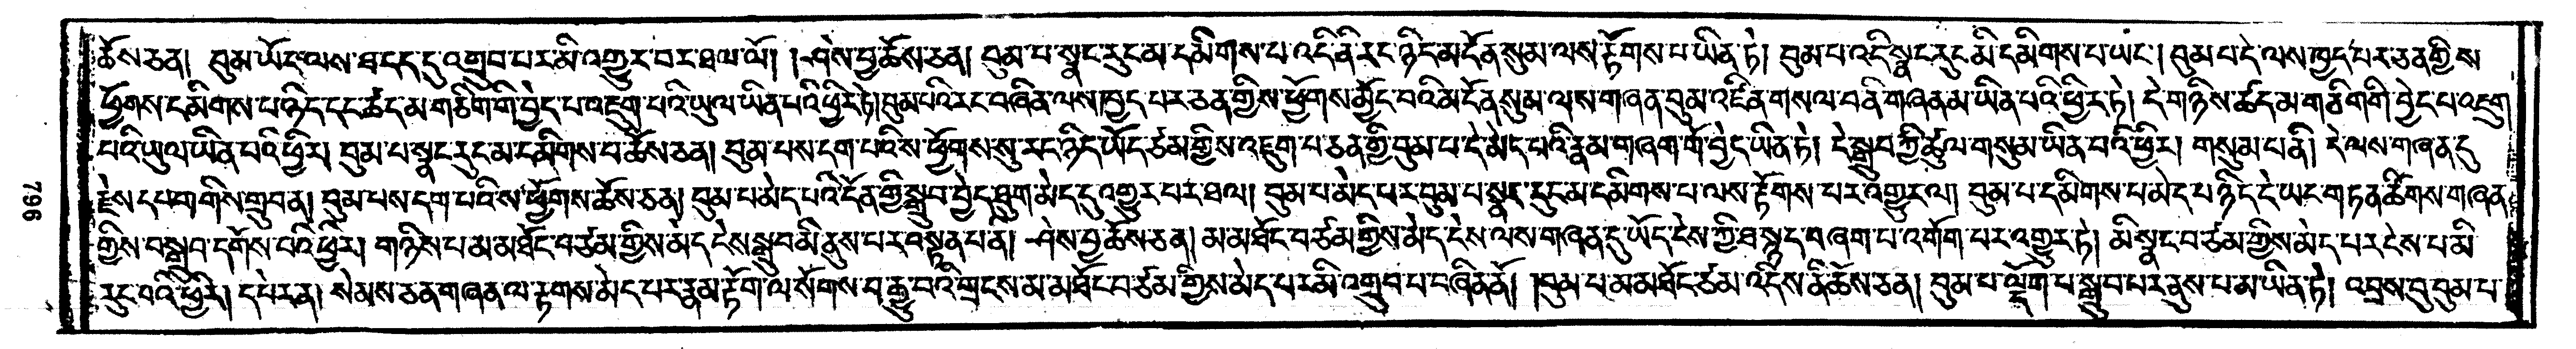ཆོས་ཅན། བུམ་ཡོད་ལས་ཐ་དད་དུ་འགྲུབ་པར་མི་འགྱུར་བར་ཐལ་ལོ། །ཤེས་བྱ་ཆོས་ཅན། བུམ་པ་སྣང་རུང་མ་དམིགས་པ་འདི་ནི་རང་ཉིད་མངོན་སུམ་ལས་རྟོགས་པ་ཡིན་ཏེ། བུམ་པ་འདི་སྣང་རུང་མི་དམིགས་པ་ཡང་། བུམ་པ་དེ་ལས་ཁྱད་པར་ཅན་གྱིས་
ཕྱོགས་དམིགས་པ་ཉིད་དང་ཚད་མ་གཅིག་གི་བྱེད་པ་འཇུག་པའི་ཡུལ་ཡིན་པའི་ཕྱིར་ཏེ། བུམ་པའི་རང་བཞིན་ལས་ཁྱད་པར་ཅན་གྱིས་ཕྱོགས་མྱོང་བའི་མངོན་སུམ་ལས་གཞན་བུམ་འཛིན་གསལ་བ་ནི་གཞན་མ་ཡིན་པའི་ཕྱིར་ཏེ། དེ་གཉིས་ཚད་མ་གཅིག་གི་བྱེད་པ་འཇུག་
པའི་ཡུལ་ཡིན་པའི་ཕྱིར། བུམ་པ་སྣང་རུང་མ་དམིགས་པ་ཆོས་ཅན། བུམ་པས་དག་པའི་ས་ཕྱོགས་སུ་རང་ཉིད་ཡོད་ཙམ་གྱིས་འཇུག་པ་ཅན་གྱི་བུམ་པ་དེ་མེད་པའི་རྣམ་གཞག་གོ་བྱེད་ཡིན་ཏེ། དེ་སྒྲུབ་ཀྱི་ཚུལ་གསུམ་ཡིན་བའི་ཕྱིར། གསུམ་པ་ནི། དེ་ལས་གཞན་དུ་
རྗེས་དཔག་གིས་གྲུབ་ན། བུམ་པས་དག་པའི་ས་ཕྱོགས་ཆོས་ཅན། བུམ་པ་མེད་པའི་དོན་གྱི་སྒྲུབ་བྱེད་ཐུག་མེད་དུ་འགྱུར་པར་ཐལ། བུམ་པ་མེད་པར་བུམ་པ་སྣང་རུང་མ་དམིགས་པ་ལས་རྟོགས་པར་འགྱུར་ལ། བུམ་པ་དམིགས་པ་མེད་པ་ཉིད་དེ་ཡང་གཏན་ཚིགས་གཞན་
གྱིས་བསྒྲུབ་དགོས་བའི་ཕྱིར། གཉིས་པ་མ་མཐོང་བ་ཙམ་གྱིས་མེད་ངེས་སྒྲུབ་མི་ནུས་པར་བསྟན་པ་ནི། ཤེས་བྱ་ཆོས་ཅན། མ་མཐོང་བ་ཙམ་གྱིས་མེད་དེས་ལས་གཞན་དུ་ཡོད་ངེས་ཀྱི་ཐ་སྙད་བཞག་པ་འགོག་པར་འགྱུར་ཏེ། མི་སྣང་བ་ཙམ་གྱིས་མེད་པར་ངེས་པ་མི་
རུང་བའི་ཕྱིར། དཔེར་ན། སེམས་ཅན་གཞན་ལ་རྟགས་མེད་པར་རྣམ་རྟོག་ལ་སོགས་བ་རྒྱུ་བའི་གྲངས་མ་མཐོང་བ་ཙམ་གྱིས་མེད་པར་མི་འགྲུབ་པ་བཞིན་ནོ། །བུམ་པ་མ་མཐོང་ཙམ་འདིས་ནི་ཆོས་ཅན། བུམ་པ་ལྡོག་པ་སྒྲུབ་པར་ནུས་པ་མ་ཡིན་ཏེ། འབྲས་བུ་བུམ་པ་